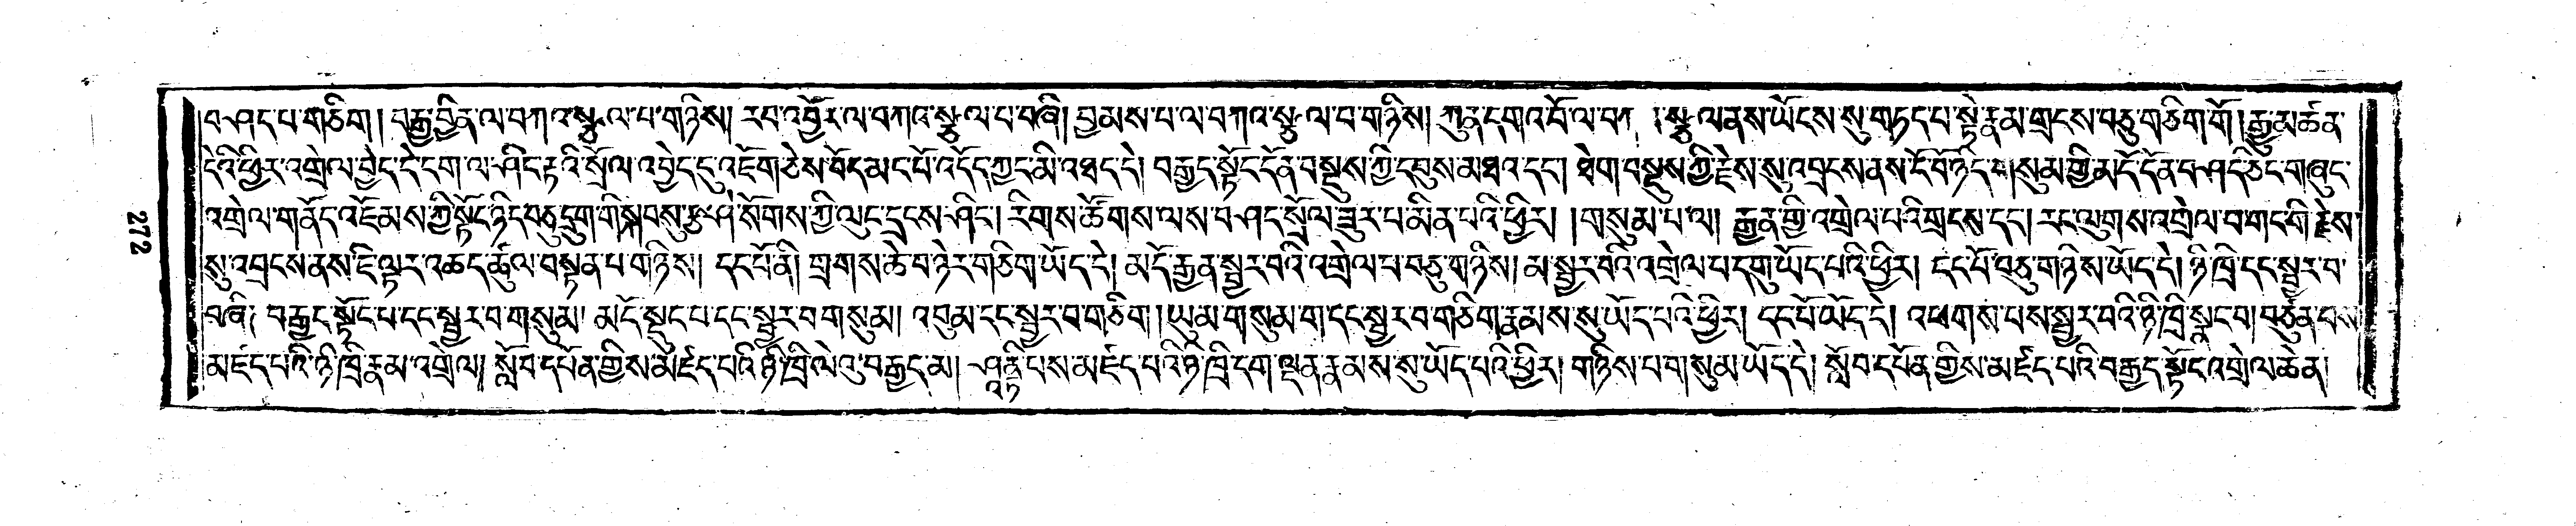བཤད་པ་གཅིག །བརྒྱ་བྱིན་ལ་བཀའ་སྩལ་པ་གཉིས། རབ་འབྱོར་ལ་བཀའ་སྩལ་པ་བཞི། བྱམས་པ་ལ་བཀའ་སྩལ་པ་གཉིས། ཀུན་དགའ་བོ་ལ་བཀའ་སྩལ་ནས་ཡོངས་སུ་གཏད་པ་སྟེ་རྣམ་གྲངས་བཅུ་གཅིག་གོ །རྒྱུ་མཚན་
དེའི་ཕྱིར་འགྲེལ་བྱེད་དེ་དག་ལ་ཤིང་རྟའི་སྲོལ་འབྱེད་དུ་འཇོག་ཅེས་བོད་མང་པོ་འདོད་ཀྱང་མི་འཐད་དེ། བརྒྱད་སྟོང་དོན་བསྡུས་ཀྱི་དབུས་མཐའ་དང་། ཐེག་བསྡུས་ཀྱི་རྗེས་སུ་འབྲངས་ནས་ངོ་བོ་ཉིད་གསུམ་གྱི་མདོ་དོན་བཤད་ཅིང་གཞུང་
འགྲེལ་གནོད་འཇོམས་ཀྱི་སྟོང་ཉིད་བཅུ་དྲུག་གི་སྐབས་སུ་རྩ་ཤེས་སོགས་ཀྱི་ལུང་དྲངས་ཤིང་། རིགས་ཚོགས་ལས་བཤད་སྲོལ་ཟུར་པ་མིན་པའི་ཕྱིར། །གསུམ་པ་ལ། རྒྱན་གྱི་འགྲེལ་པའི་གྲངས་དང་། རང་ལུགས་འགྲེལ་པ་གང་གི་རྗེས་
སུ་འབྲངས་ནས་ཇི་ལྟར་འཆད་ཚུལ་བསྟན་པ་གཉིས། དང་པོ་ནི། གྲགས་ཆེ་བ་ཉེར་གཅིག་ཡོད་དེ། མདོ་རྒྱན་སྦྱར་བའི་འགྲེལ་པ་བཅུ་གཉིས། མ་སྦྱར་བའི་འགྲེལ་པ་དགུ་ཡོད་པའི་ཕྱིར། དང་པོ་བཅུ་གཉིས་ཡོད་དེ། ཉི་ཁྲི་དང་སྦྱར་བ་
བཞི༑ བརྒྱད་སྟོང་པ་དང་སྦྱར་བ་གསུམ་མདོ་སྡུས་པ་དང་སྦྱར་བ་གསུམ། འབུམ་དང་སྦྱར་བ་གཅིག །ཡུམ་གསུམ་ག་དང་སྦྱར་བ་གཅིག་རྣམས་སུ་ཡོད་པའི་ཕྱིར། དང་པོ་ཡོད་དེ། འཕགས་པས་སྦྱར་བའི་ཉི་ཁྲི་སྣང་བ། བཙུན་པས་
མཛད་པའི་ཉི་ཁྲི་རྣམ་འགྲེལ། སློབ་དཔོན་གྱིས་མཛད་པའི་ཉི་ཁྲི་ལེའུ་བརྒྱད་མ། ཤཱནྟི་པས་མཛད་པའི་ཉི་ཁྲི་དག་ལྡན་རྣམས་སུ་ཡོད་པའི་ཕྱིར། གཉིས་པ་གསུམ་ཡོད་དེ། སློབ་དཔོན་གྱིས་མཛད་པའི་བརྒྱད་སྟོང་འགྲེལ་ཆེན།